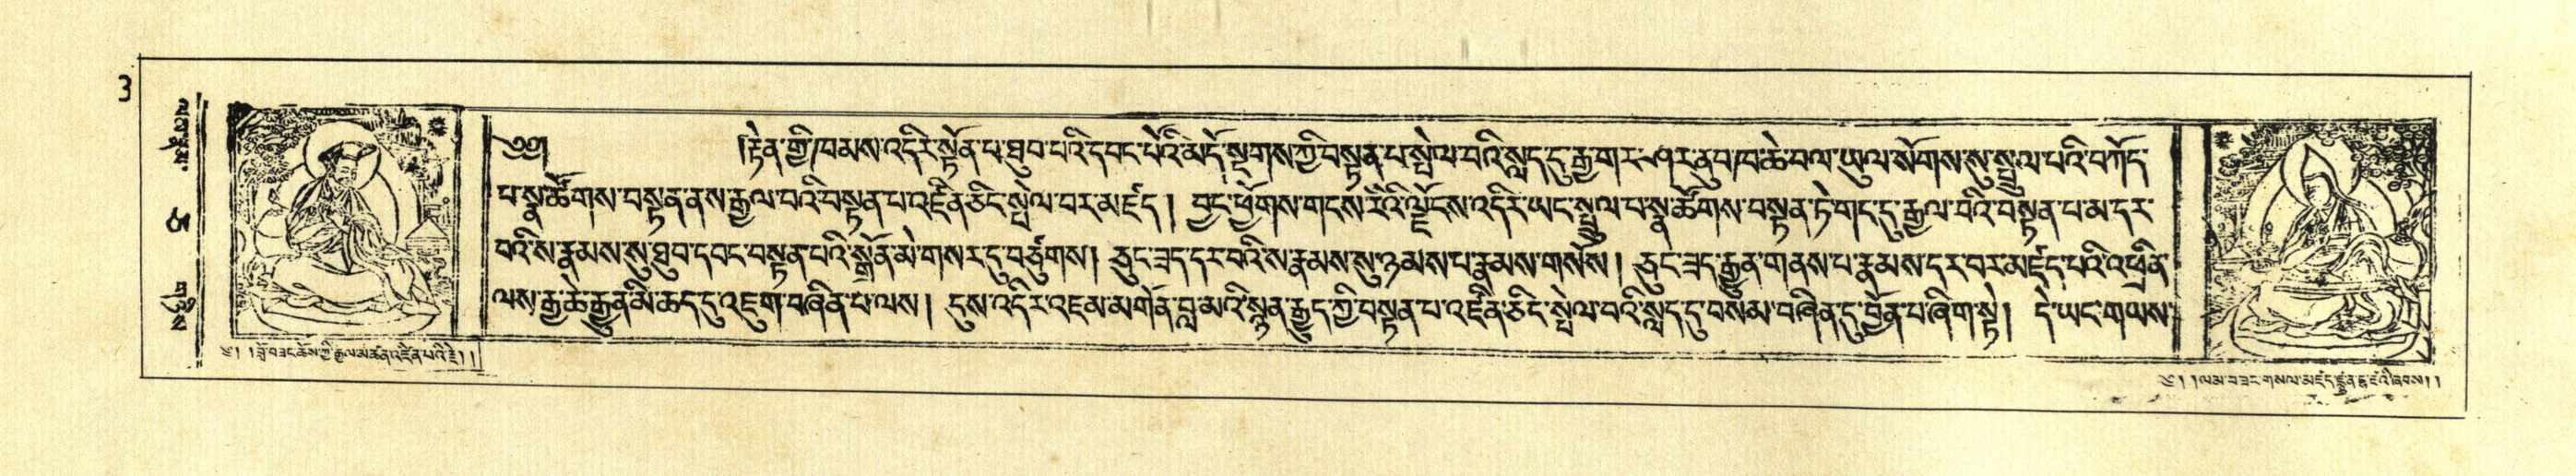༄༅། །རྟེན་གྱི་ཁམས་འདིར་སྟོན་པ་ཐུབ་པའི་དབང་པོའི་མདོ་སྔགས་ཀྱི་བསྟན་པ་སྤེལ་བའི་སླད་དུ་རྒྱ་གར་ཤར་ནུབ་ཁ་ཆེ་བལ་ཡུལ་སོགས་སུ་སྤྲུལ་པའི་བཀོད་
པ་སྣ་ཚོགས་བསྟན་ནས་རྒྱལ་བའི་བསྟན་པ་འཛིན་ཅིང་སྤེལ་བར་མཛད། བྱང་ཕྱོགས་གངས་རིའི་ལྗོངས་འདིར་ཡང་སྤྲུལ་པ་སྣ་ཚོགས་བསྟན་ཏེ་གང་དུ་རྒྱལ་བའི་བསྟན་པ་མ་དར་
བའི་ས་རྣམས་སུ་ཐུབ་དབང་བསྟན་པའི་སྒྲོན་མེ་གསར་དུ་བཙུགས། ཅུང་ཟད་དར་བའི་ས་རྣམས་སུ་ཉམས་པ་རྣམས་གསོས། ཅུང་ཟད་རྒྱུན་གནས་པ་རྣམས་དར་བར་མཛད་པའི་འཕྲིན་
ལས་རྒྱ་ཆེ་རྒྱུན་མི་ཆད་དུ་འཇུག་བཞིན་པ་ལས། དུས་འདིར་འཇམ་མགོན་བླ་མའི་སྙན་རྒྱུད་ཀྱི་བསྟན་པ་འཛིན་ཅིང་སྤེལ་བའི་སླད་དུ་བསམ་བཞིན་དུ་བྱོན་པ་ཞིག་སྟེ། དེ་ཡང་གཡས་